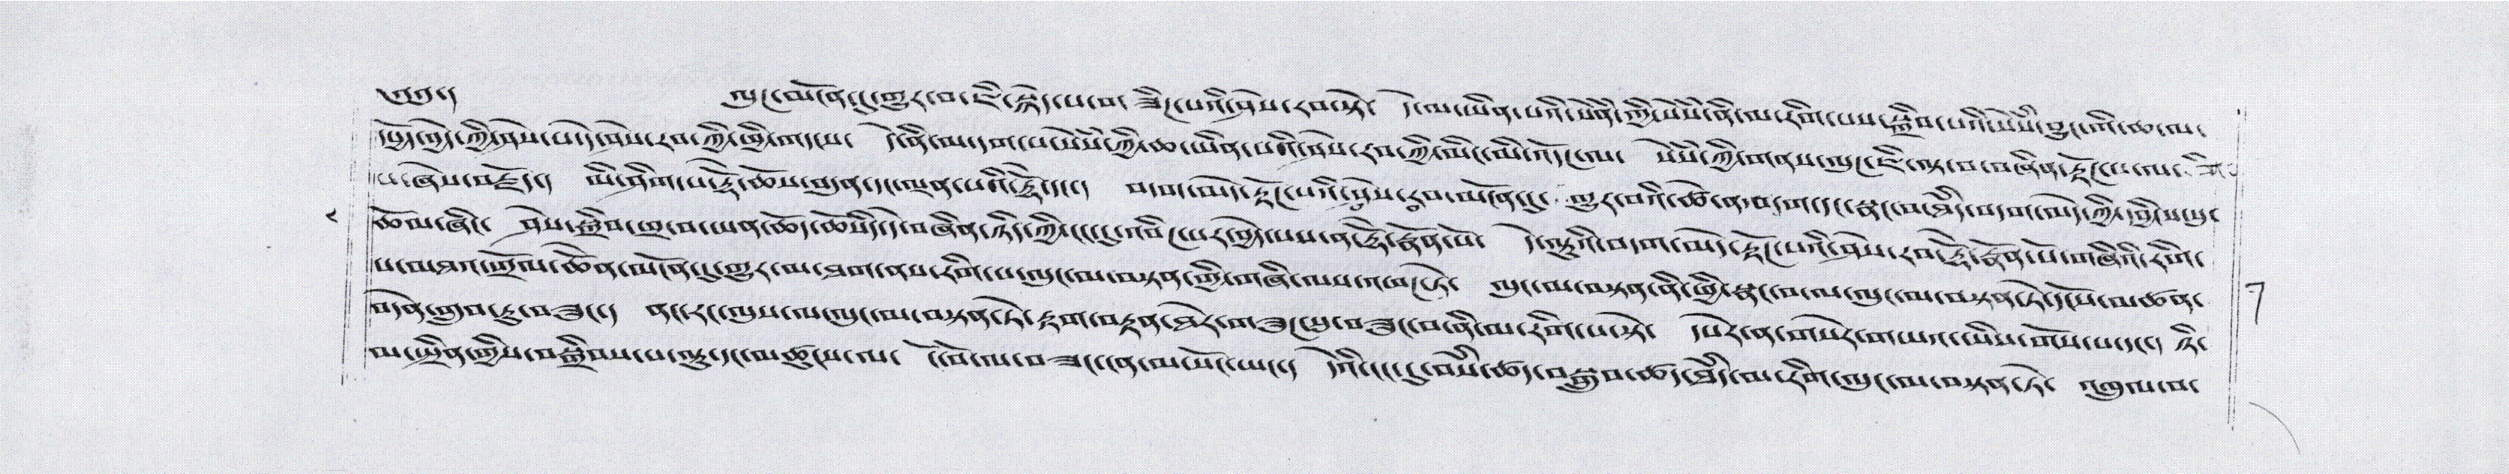ལུགས་མངོན་དུ་གྱུར་པ་ཇི་སྙེད་པ་གཟིགས་པའི་ཤེས་རབ་སྟེ། དེ་མ་ཡིན་པའི་སེམས་ཅན་གྱི་སེམས་ནི་མ་རིག་པའི་སྒྲིབ་པའི་སེམས་བྱུང་གི་ཆ་ལ་
དཔྱོད་བྱེད་ཀྱི་ཤེས་པ་དེ་ཤེས་རབ་ཀྱི་ཕྱི་གདངས། དེ་ནི་མ་དག་པ་སེམས་ཀྱི་ཆ་ཡིན་པས་ཤེས་རབ་ཀྱི་མིང་མི་འདོགས་ལ། སེམས་ཀྱི་གནས་ལུགས་ཇི་ལྟ་བ་བཞིན་རྟོགས་པ་ལ་རིག་
པ་ཞེས་བརྗོད། མི་ཤིག་པ་རྡོ་རྗེ་ཆོས་བདུན་དང་ལྡན་པས་རྡོ་རྗེ་དང་། བདག་མེད་རྟོགས་པའི་ཤེས་རབ་མངོན་དུ་གྱུར་པའི་ཚེ་ན་བདག་དང་སྣང་བ་ཐམས་ཅད་བདག་མེད་ཀྱི་དབྱིངས་སུ་
ཆོམ་ཞིང་། ཤེས་སྒྲིབ་ཕྲ་བ་ཡན་ཆོད་ཆོས་ཉིད་དེ་བཞིན་ཉིད་ཀྱི་ངང་དུ་འབིགས་པར་བྱེད་པས་ན་རྡོ་རྗེ་རྣོན་པོའོ། དེ་ལྟ་བུའི་བདག་མེད་རྟོགས་པའི་ཤེས་རབ་རྡོ་རྗེ་རྣོན་པོའི་གཞི་ཡི་རིག་
པ་མཐའ་གྲོལ་ཆེན་པོ་མངོན་དུ་གྱུར་མ་ཐག་ནས་རིག་པ་ལུང་མ་བསྟན་གྱི་གཞི་ལས་འཕགས་ཏེ། ལུང་མ་བསྟན་ནི་ཕྱི་སྣང་བ་ལ་ལུང་མ་བསྟན་ཏེ་དངོས་མཚན་
བདེན་གྲུབ་ཏུ་བཟུང་། ནང་རང་ལུས་ལ་ལུང་མ་བསྟན་ཏེ་རྟག་བརྟན་ཐེར་ཟུག་ཏུ་བཟུང་བ་ནི་མ་རིག་པ་སྟེ། དཔེར་ན་གསེར་གཡའ་ཡིས་གོས་པ་དང་། ཉི་
མ་སྤྲིན་གྱིས་བསྒྲིབས་པ་ལྟ་བུ་དང་མཚུངས་ལ། ངོ་བོ་ལ་བཟང་ངན་མ་སོང་ཡང་དེའི་ངང་དུ་བསམ་ཚད་བསྒྲུབ་ཚད་ཐམས་ཅད་མ་རིག་ལུང་མ་བསྟན་ཏེ། འཁྲུལ་བ་